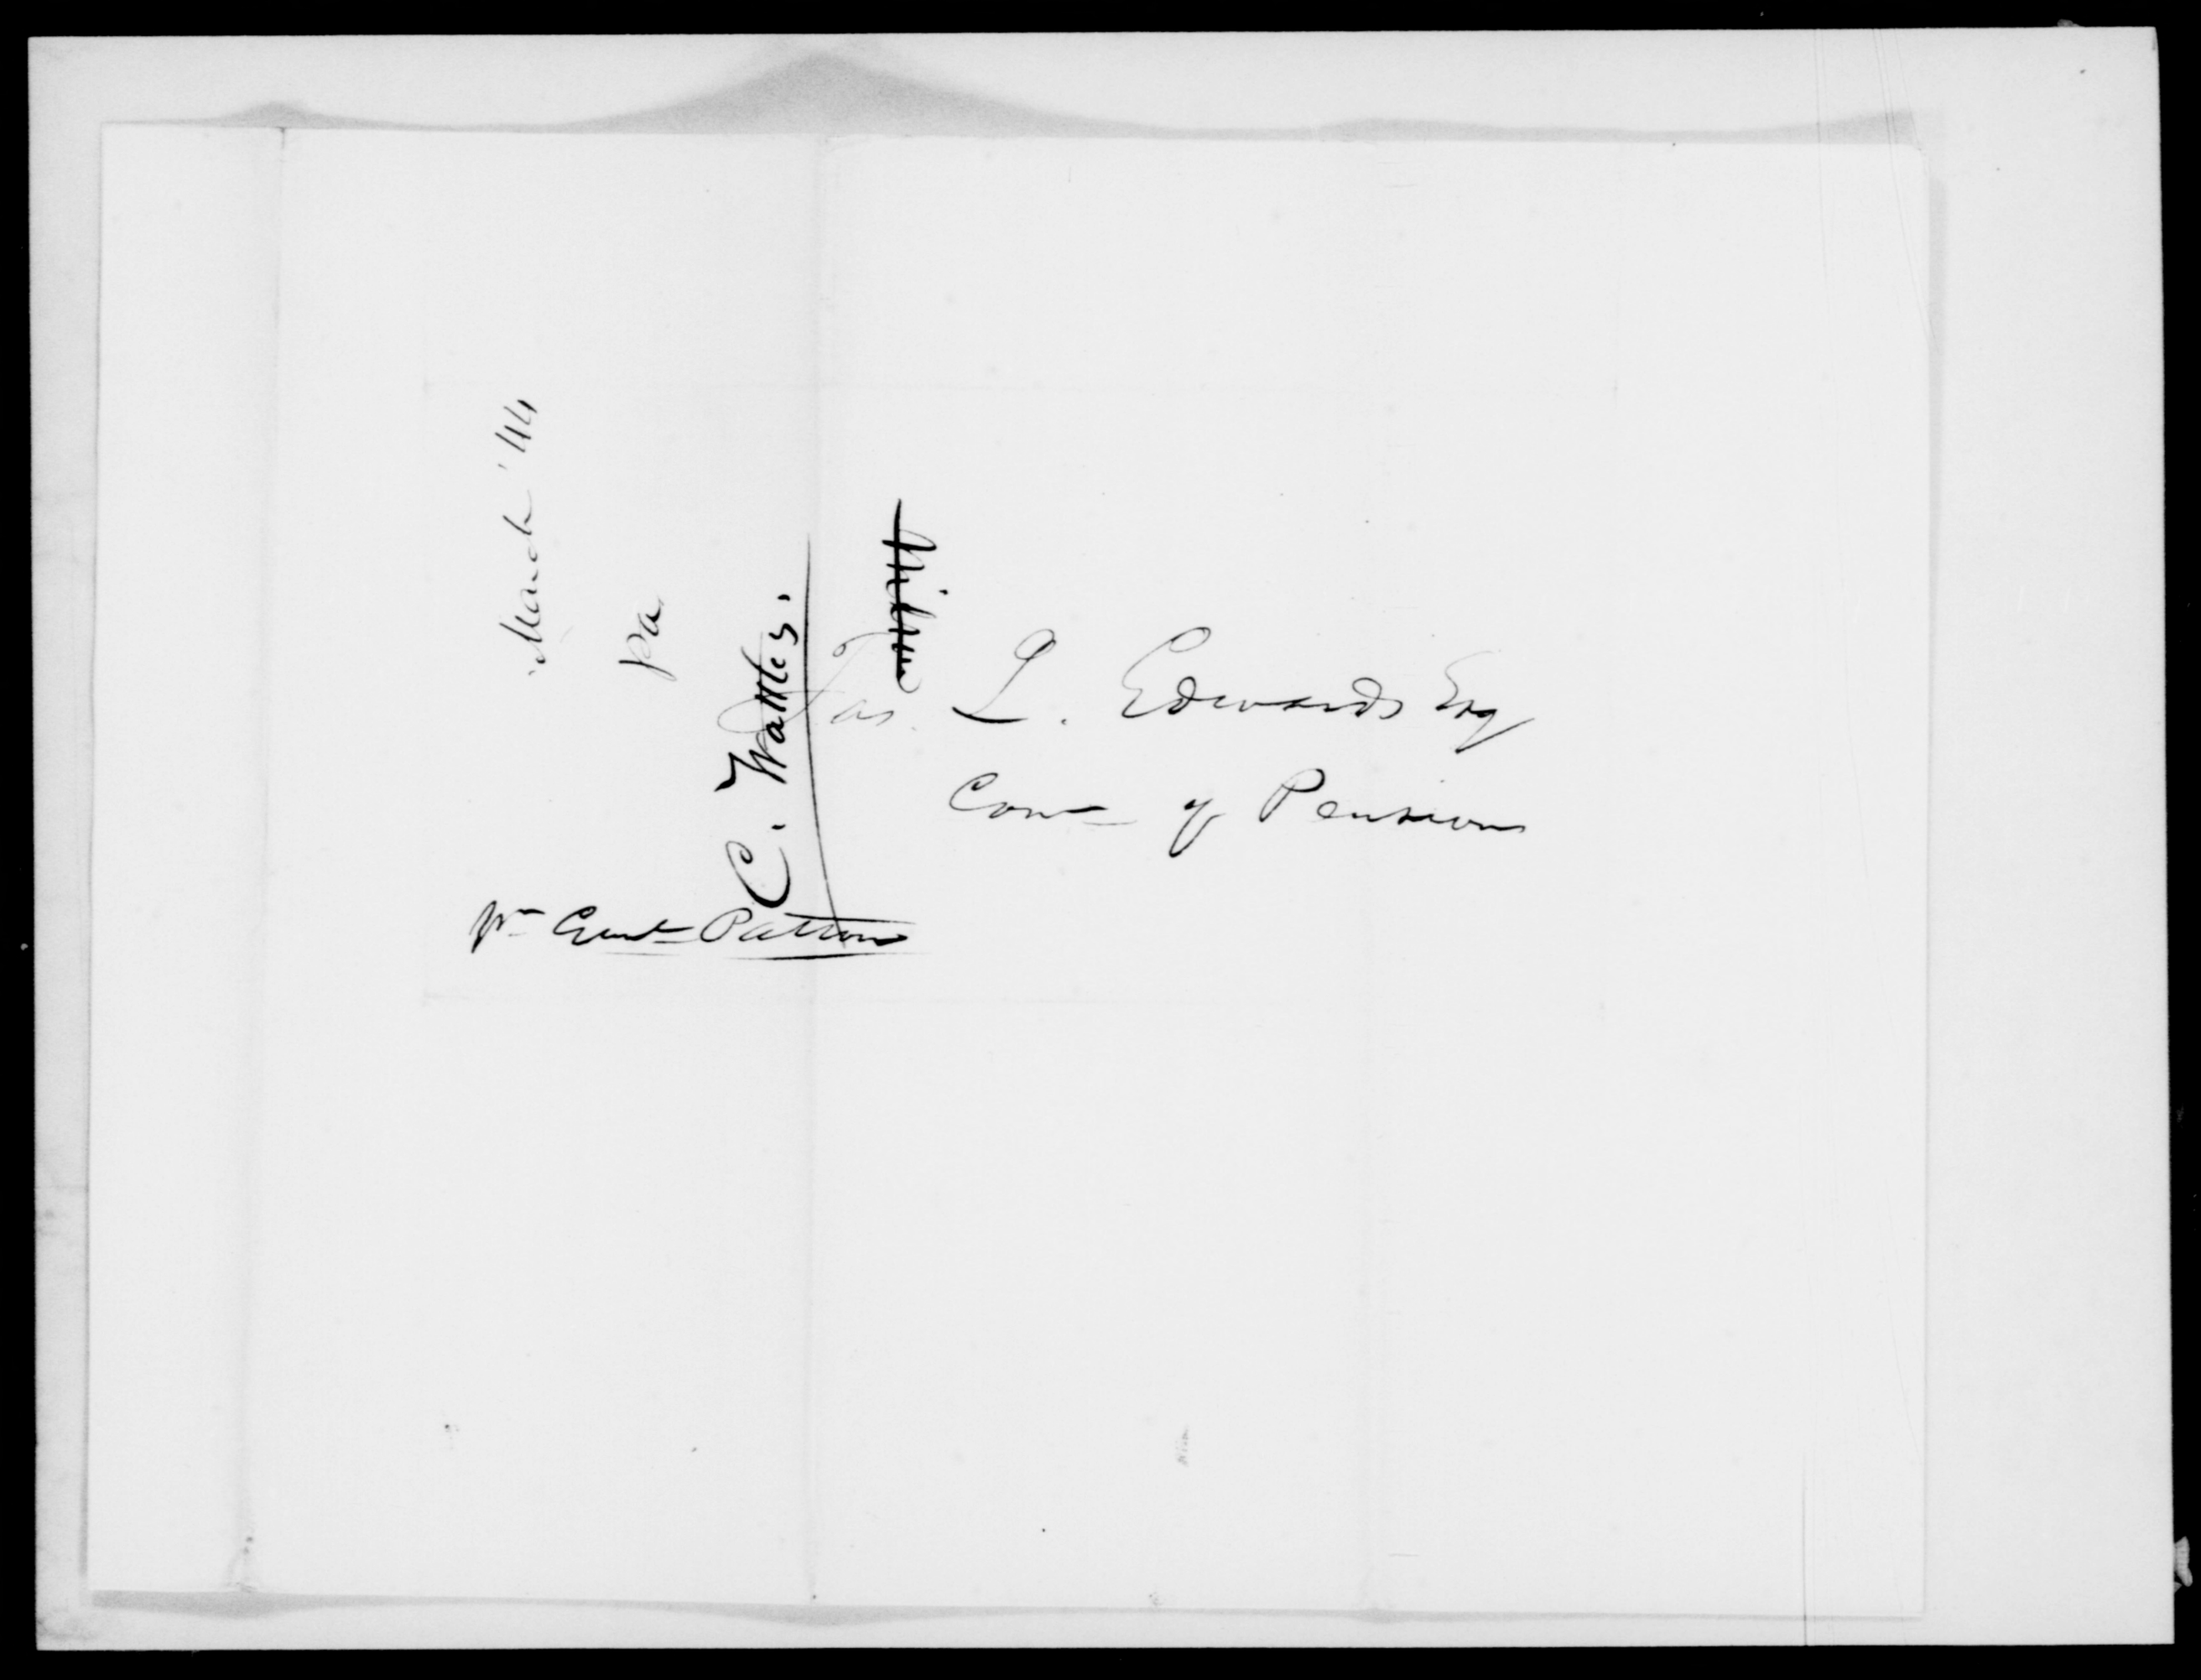Jas L. Edwards  Esq.
Com of Pensions

March '44
pa
C. Wattles

[  ] [    ] Patton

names: Jas L Edwards, Patton, C Wattles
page: 42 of 70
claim: widow's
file: W. 3743, Dan Wattles, Conn.